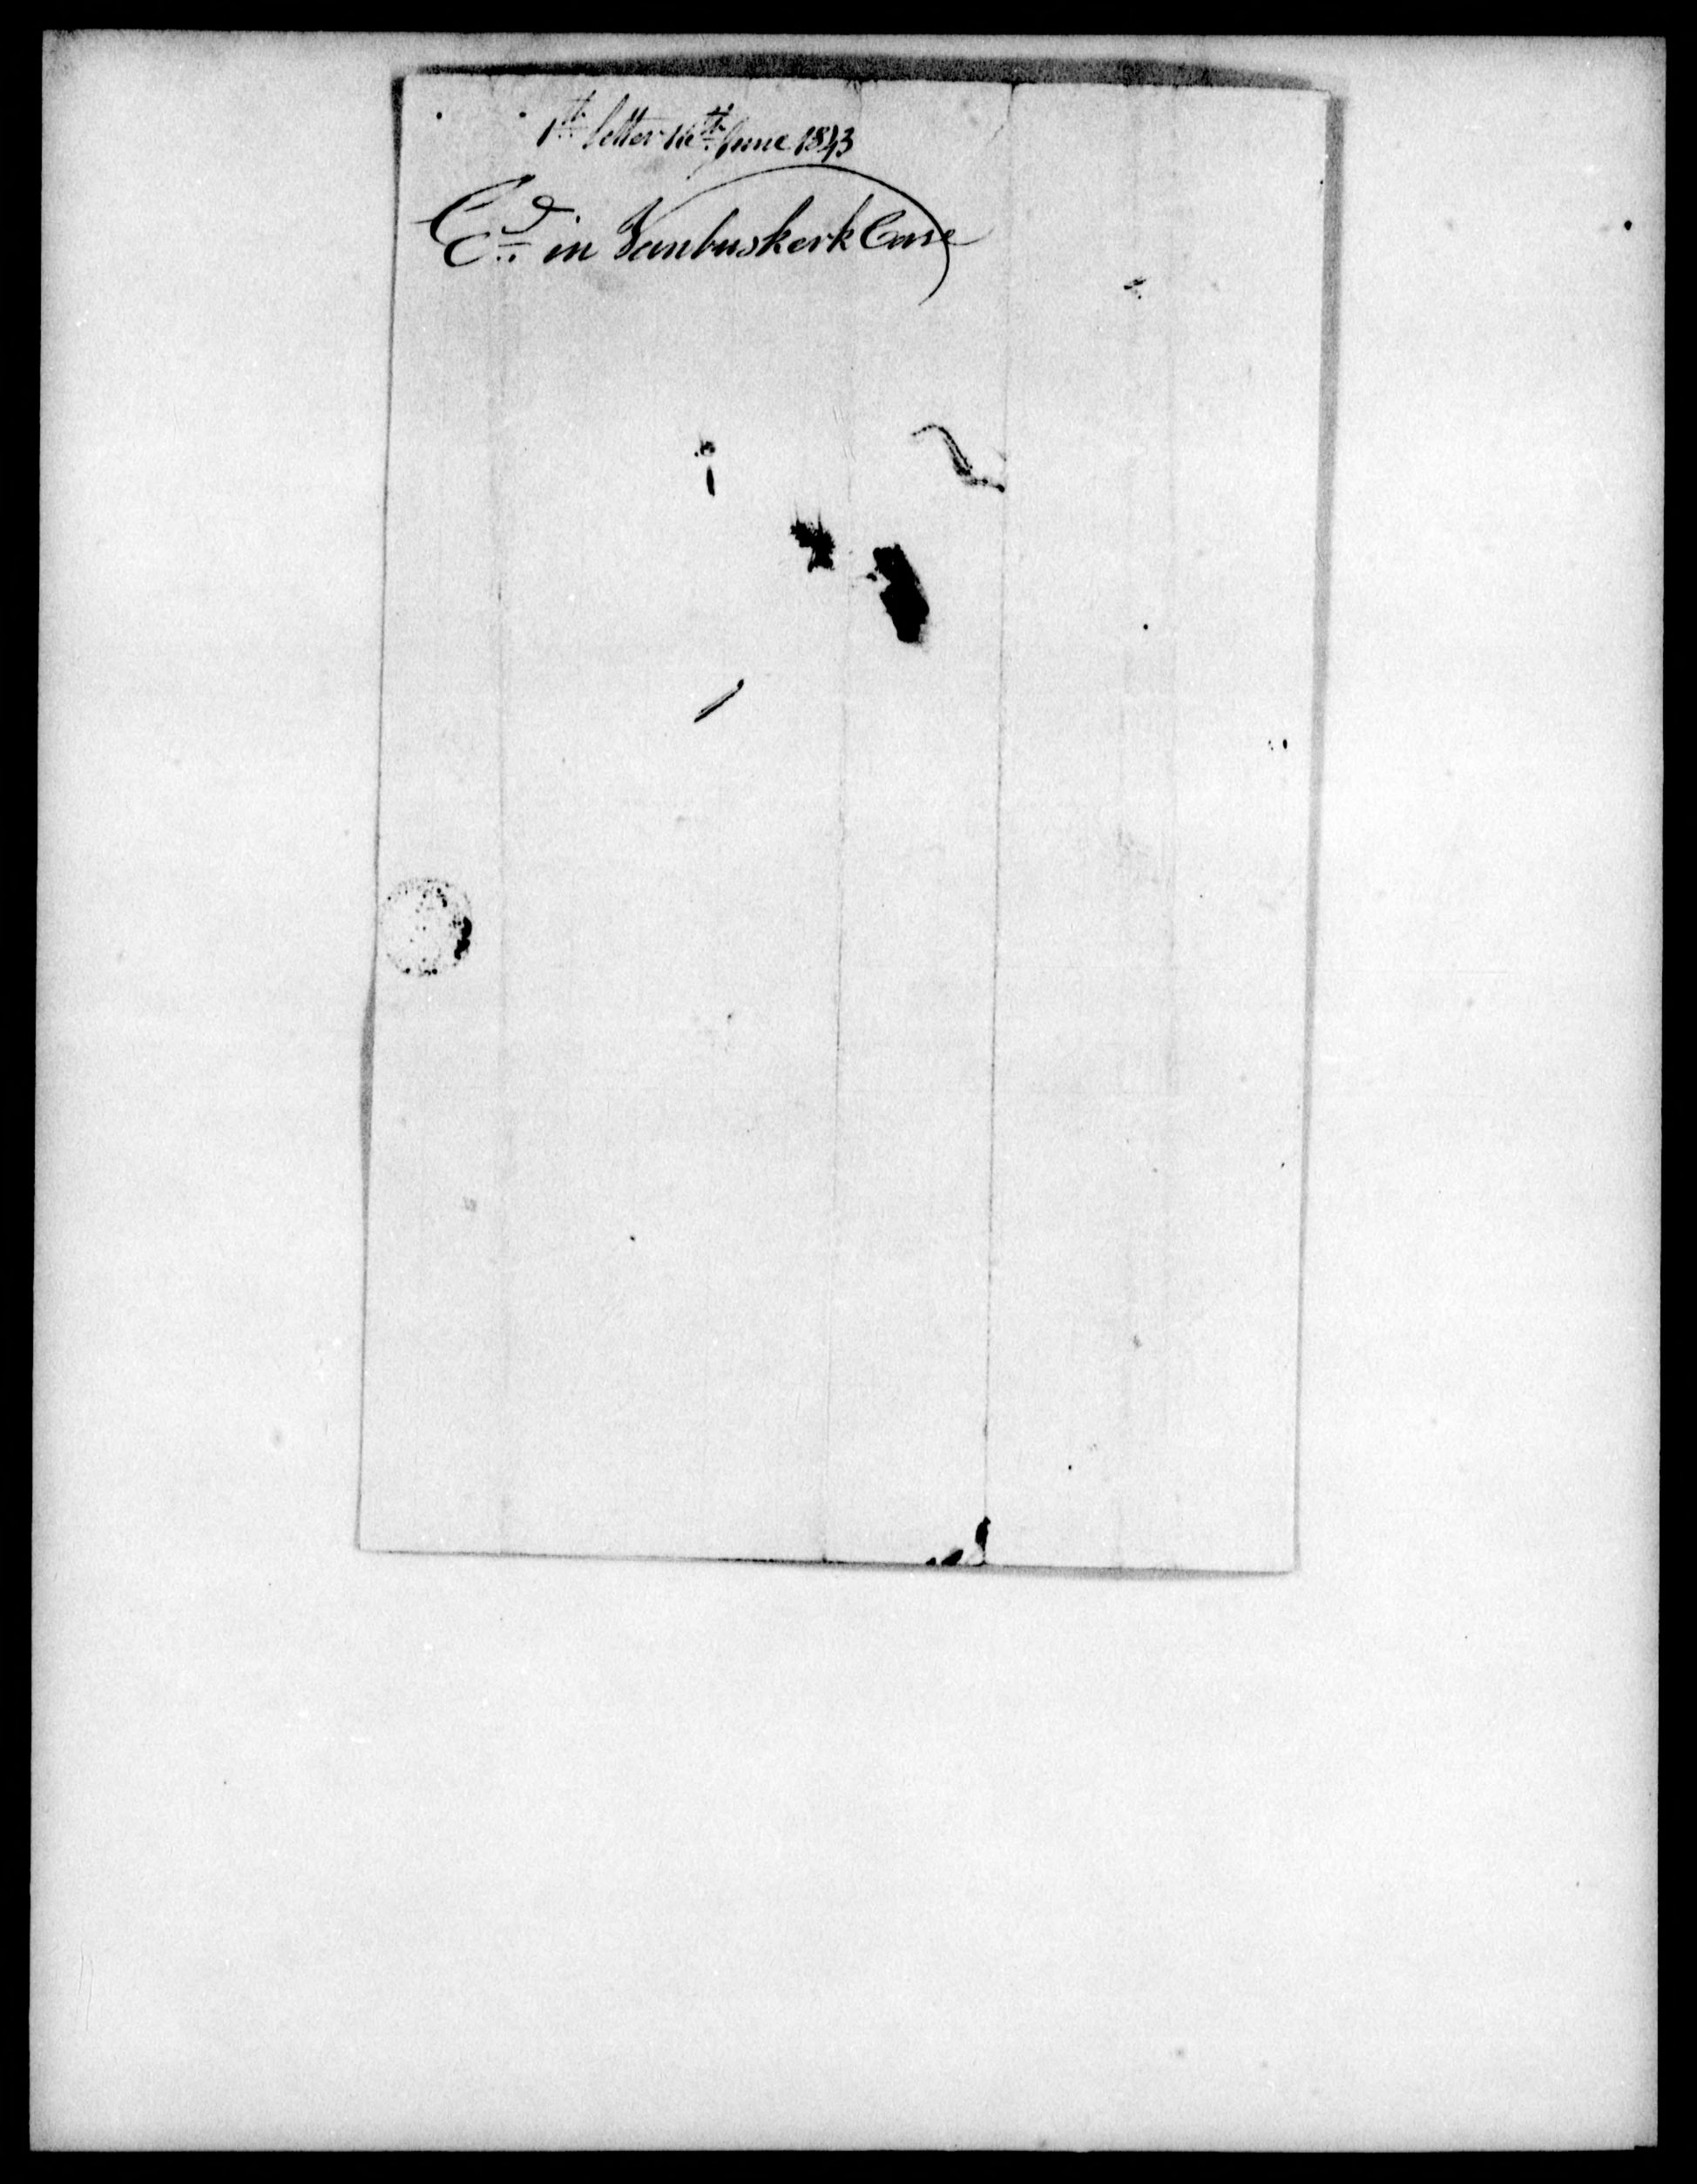1th letter [illegible] th June 1843

E in Vanbuskerk Case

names: Edin Vanbuskerk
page: 51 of 70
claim: rejected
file: R. 10,832, Martin Van Buskirk, New York.